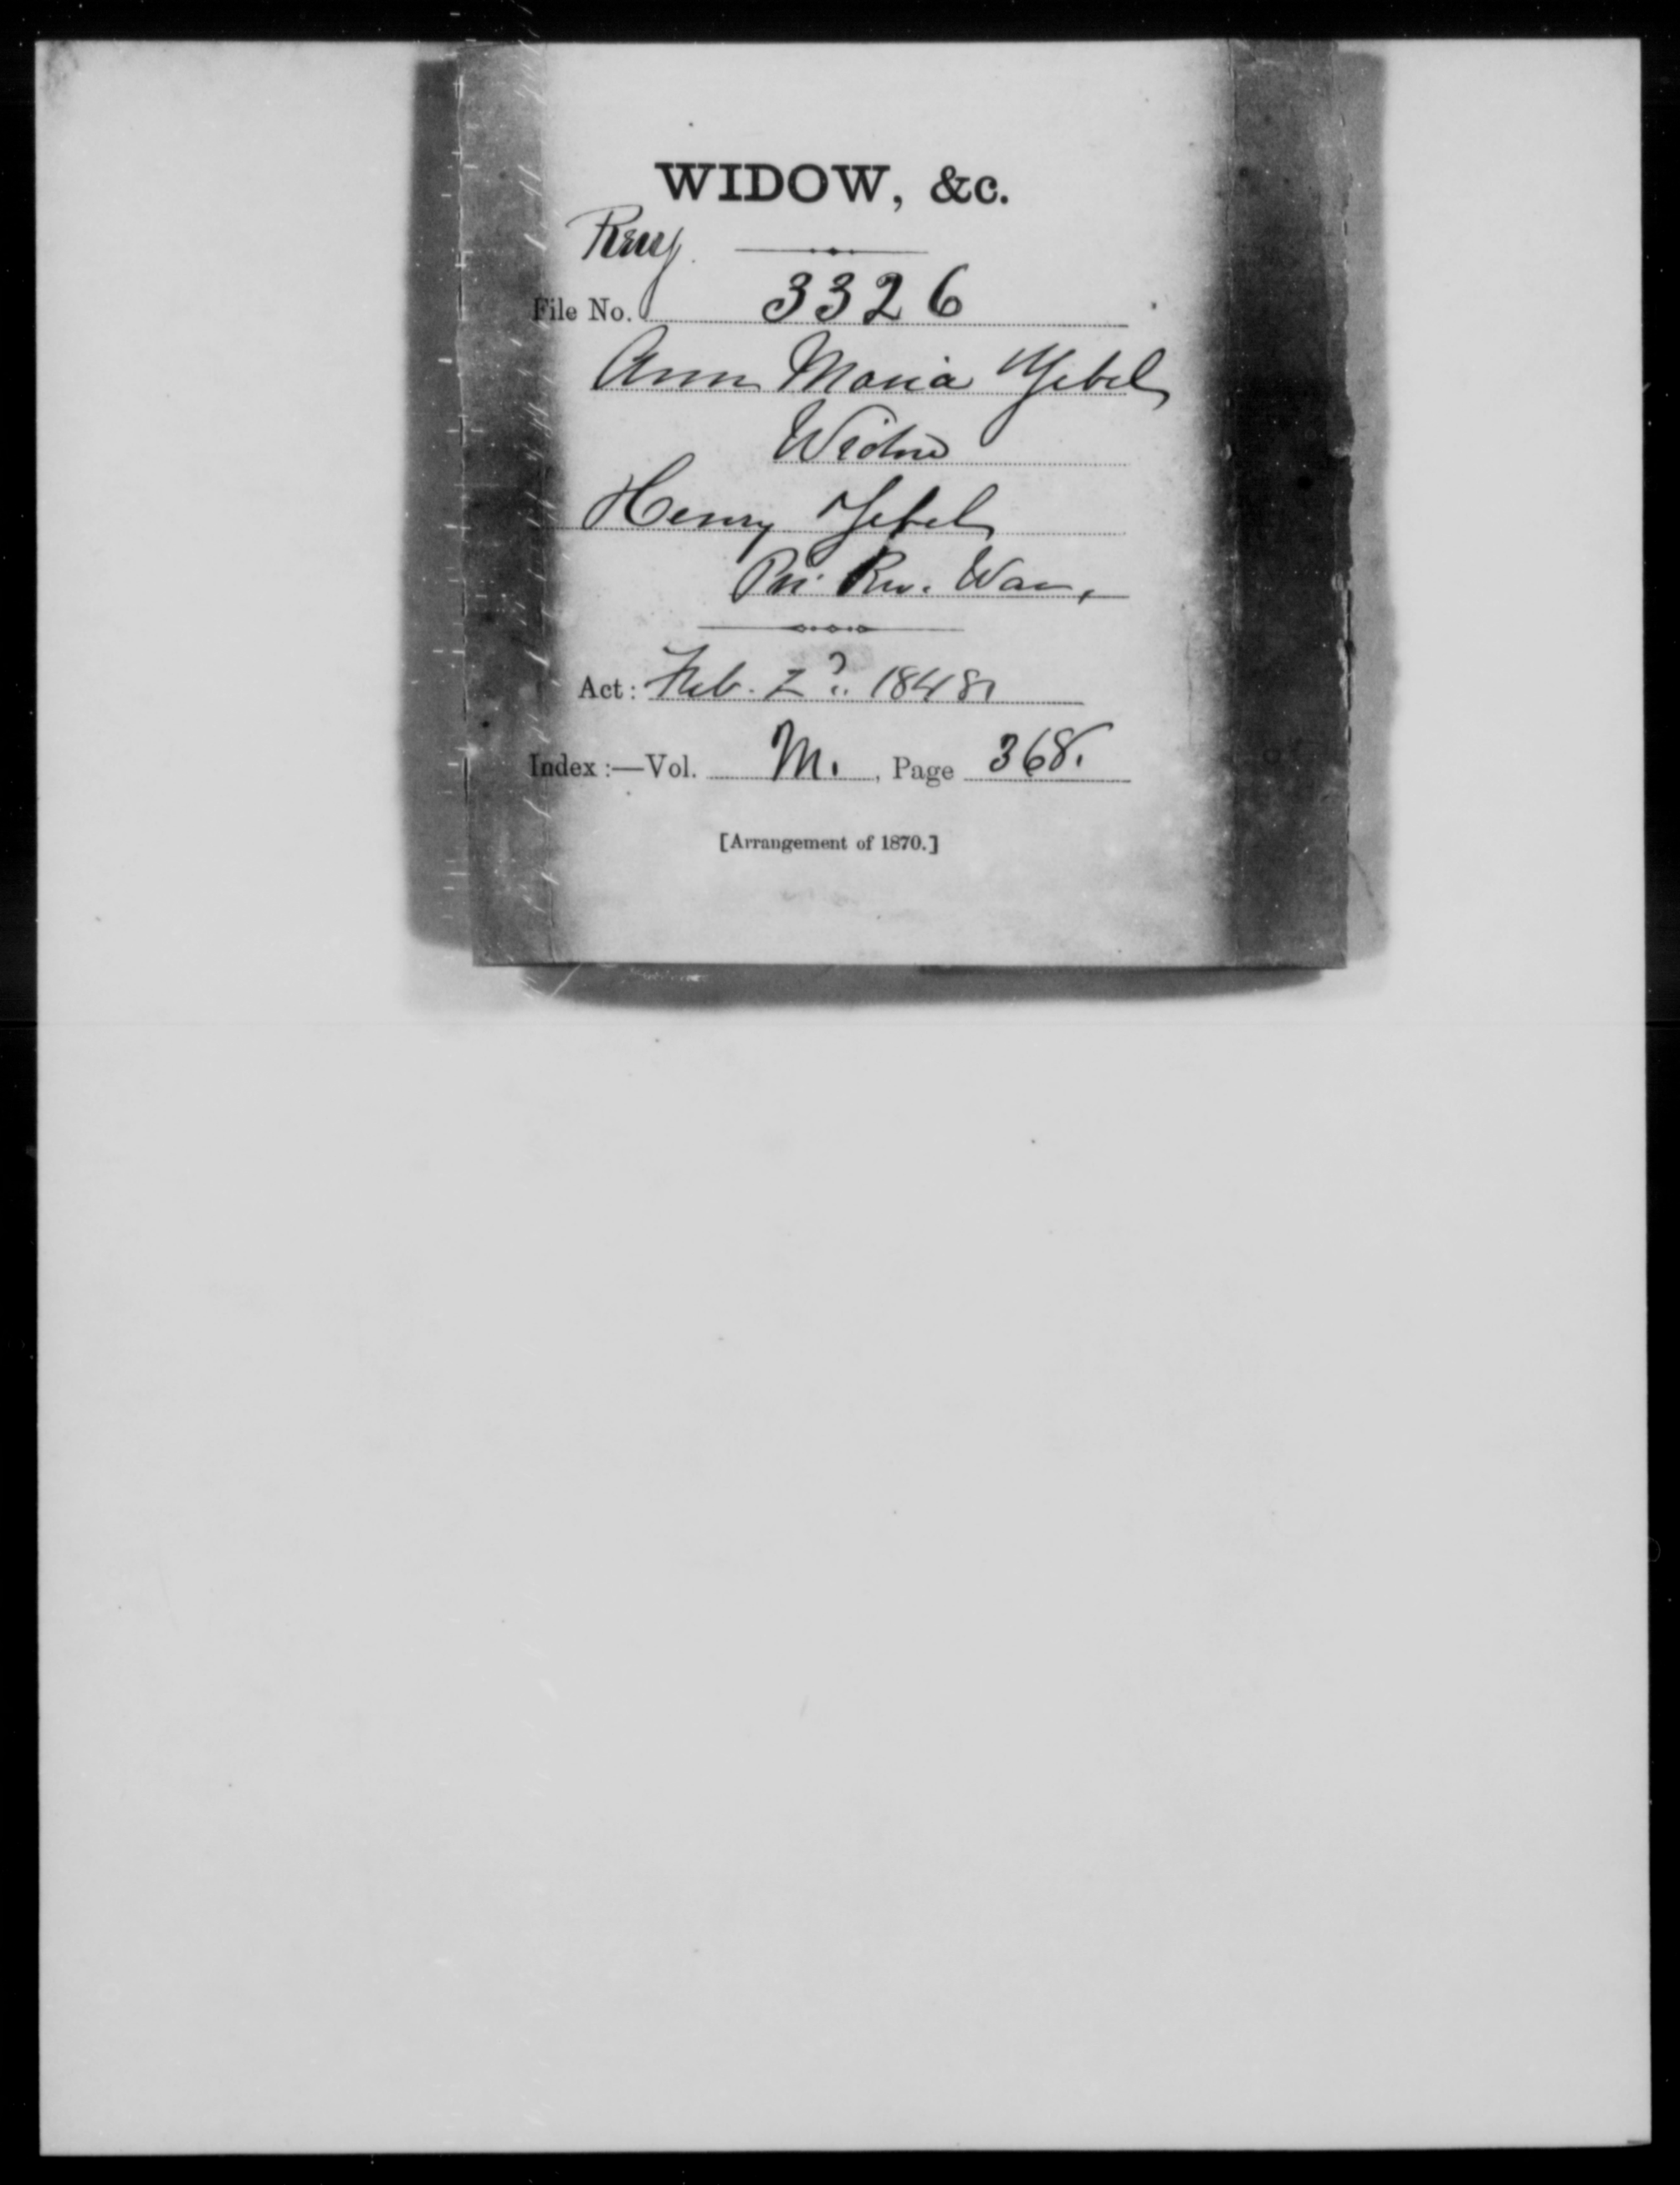WIDOW, &c.
[handwritten] Key

File No. [handwritten] 3326
Anna Maria Yebel
Widow
Henry Yebel
Pri Rev. War,

Act: [handwritten] Feb. 2? 1848.

Index: -- Vol. [handwritten] M.

Page [handwritten] 368.

[Arrangement of 1870.]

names: Ann Maria Yebel, Henry Yebel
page: 21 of 75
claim: widow's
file: W. 3326, Henry Yebel, Continental (Penn.)